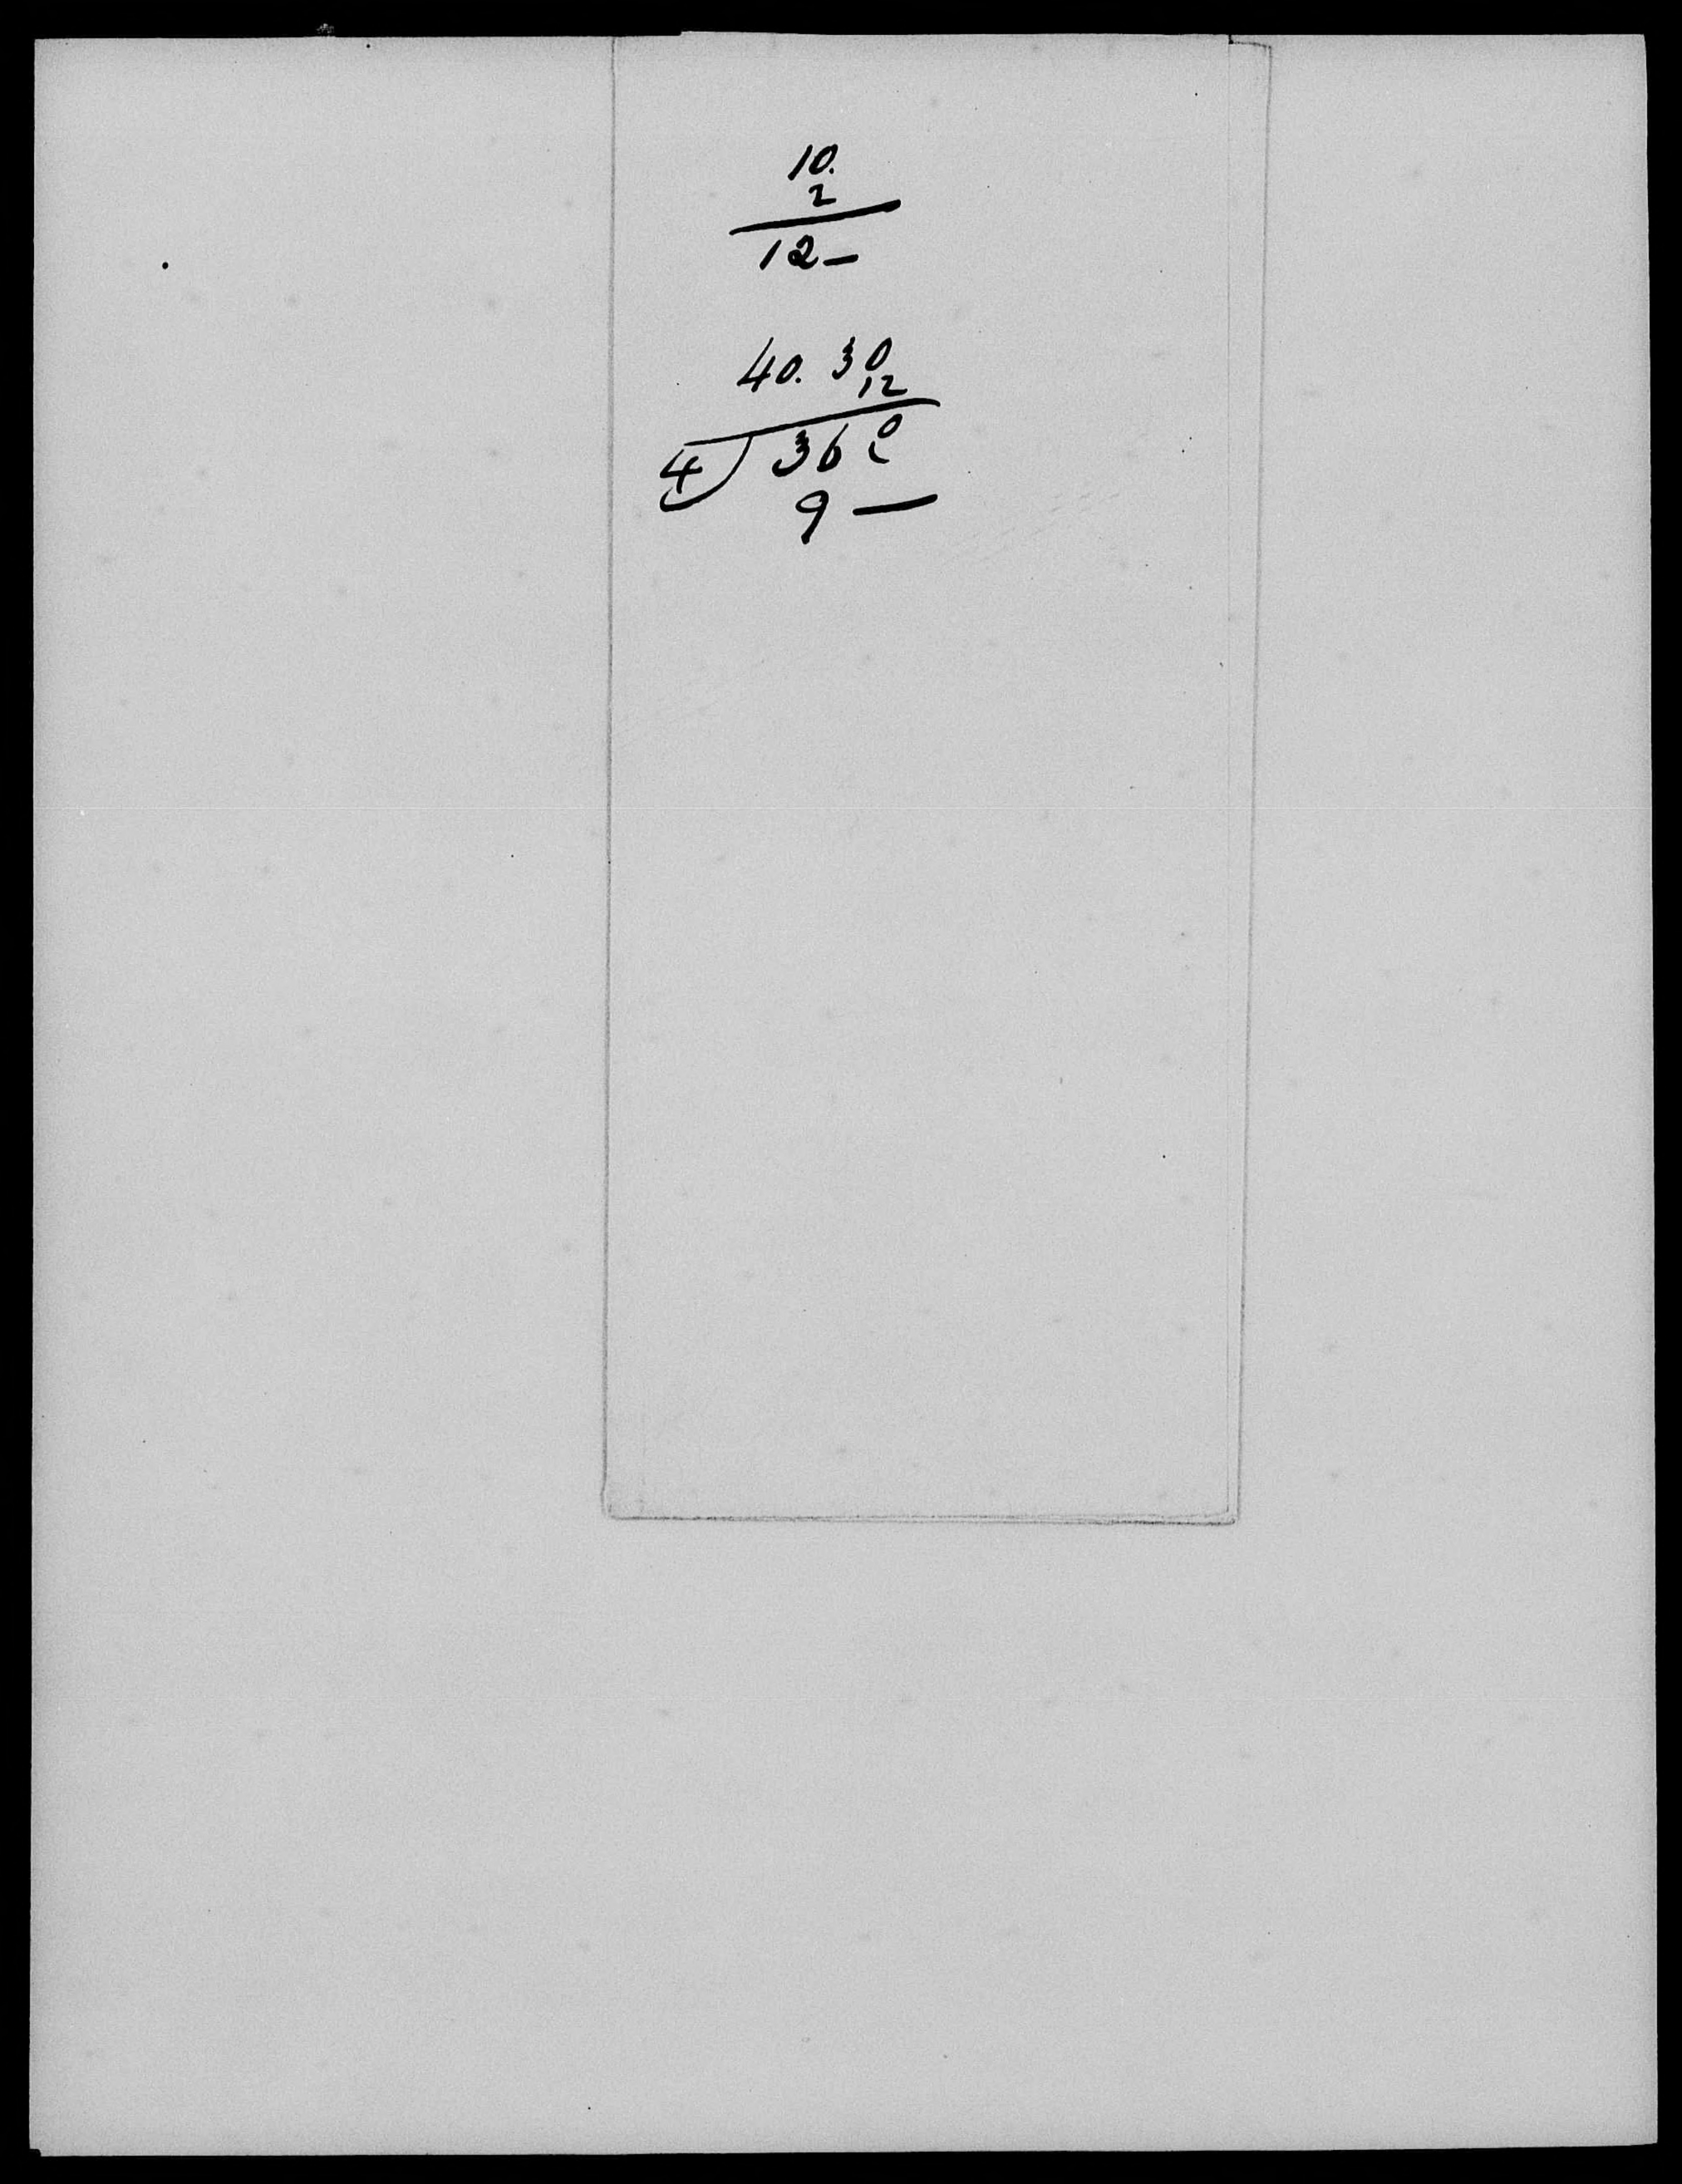10
  2
[total] 12

40.30
      12
4 [divide] 36 0[0 underlined]
9---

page: 57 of 120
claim: widow's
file: W. 1044, for Salathiel Martin, North Carolina